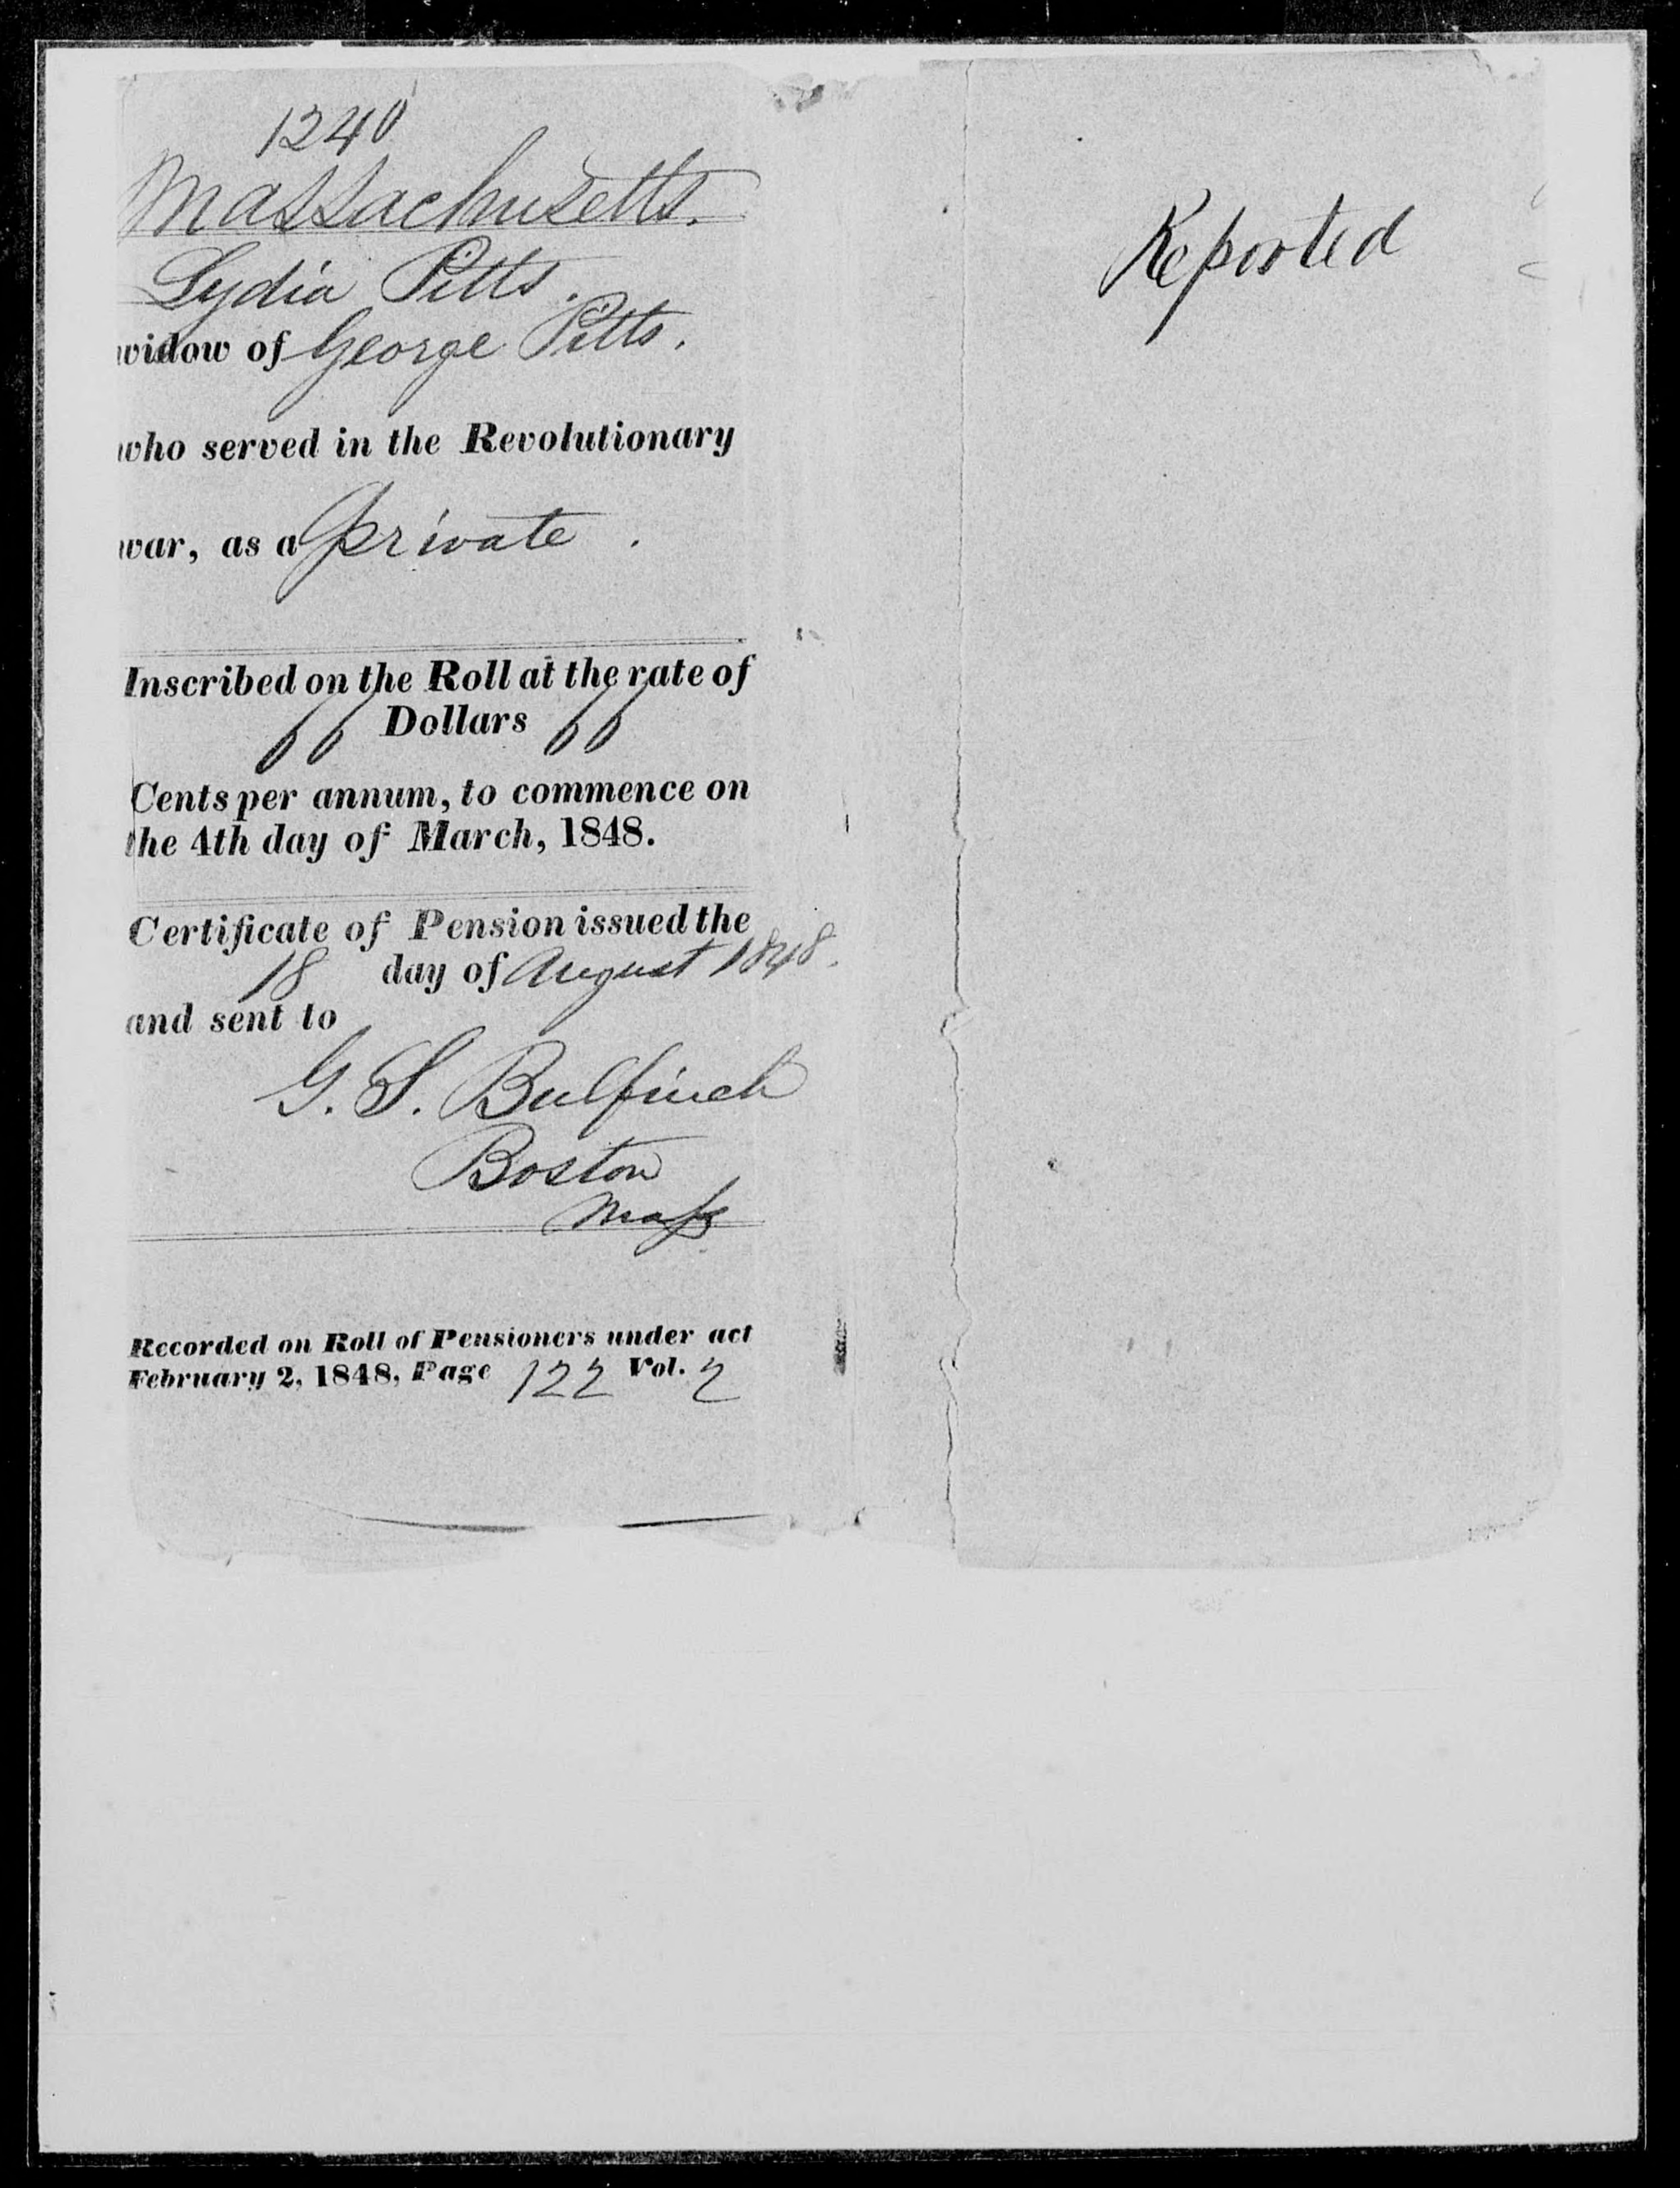1240
Massachusetts
Lydia Pitts widow of George Pitts who served in the Revolutionary war, as a private.
Inscribed on the Roll at the rate of 66
Dollars 66 Cents per annum, to commence on
the 4th day of March, 1848.
Certificate of Pension issued the 18 day of August 1848 and sent to 
G. S. Bulfinch
Boston
Mass
Recorded on Roll of Pensioners under act
February 2, 1848, Page 122 Vol 2
Reported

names: Lydia Pitts; G S Bulfinch; George Pitts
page: 22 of 54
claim: widow's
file: W. 26,897, for George Pitts, Massachusetts